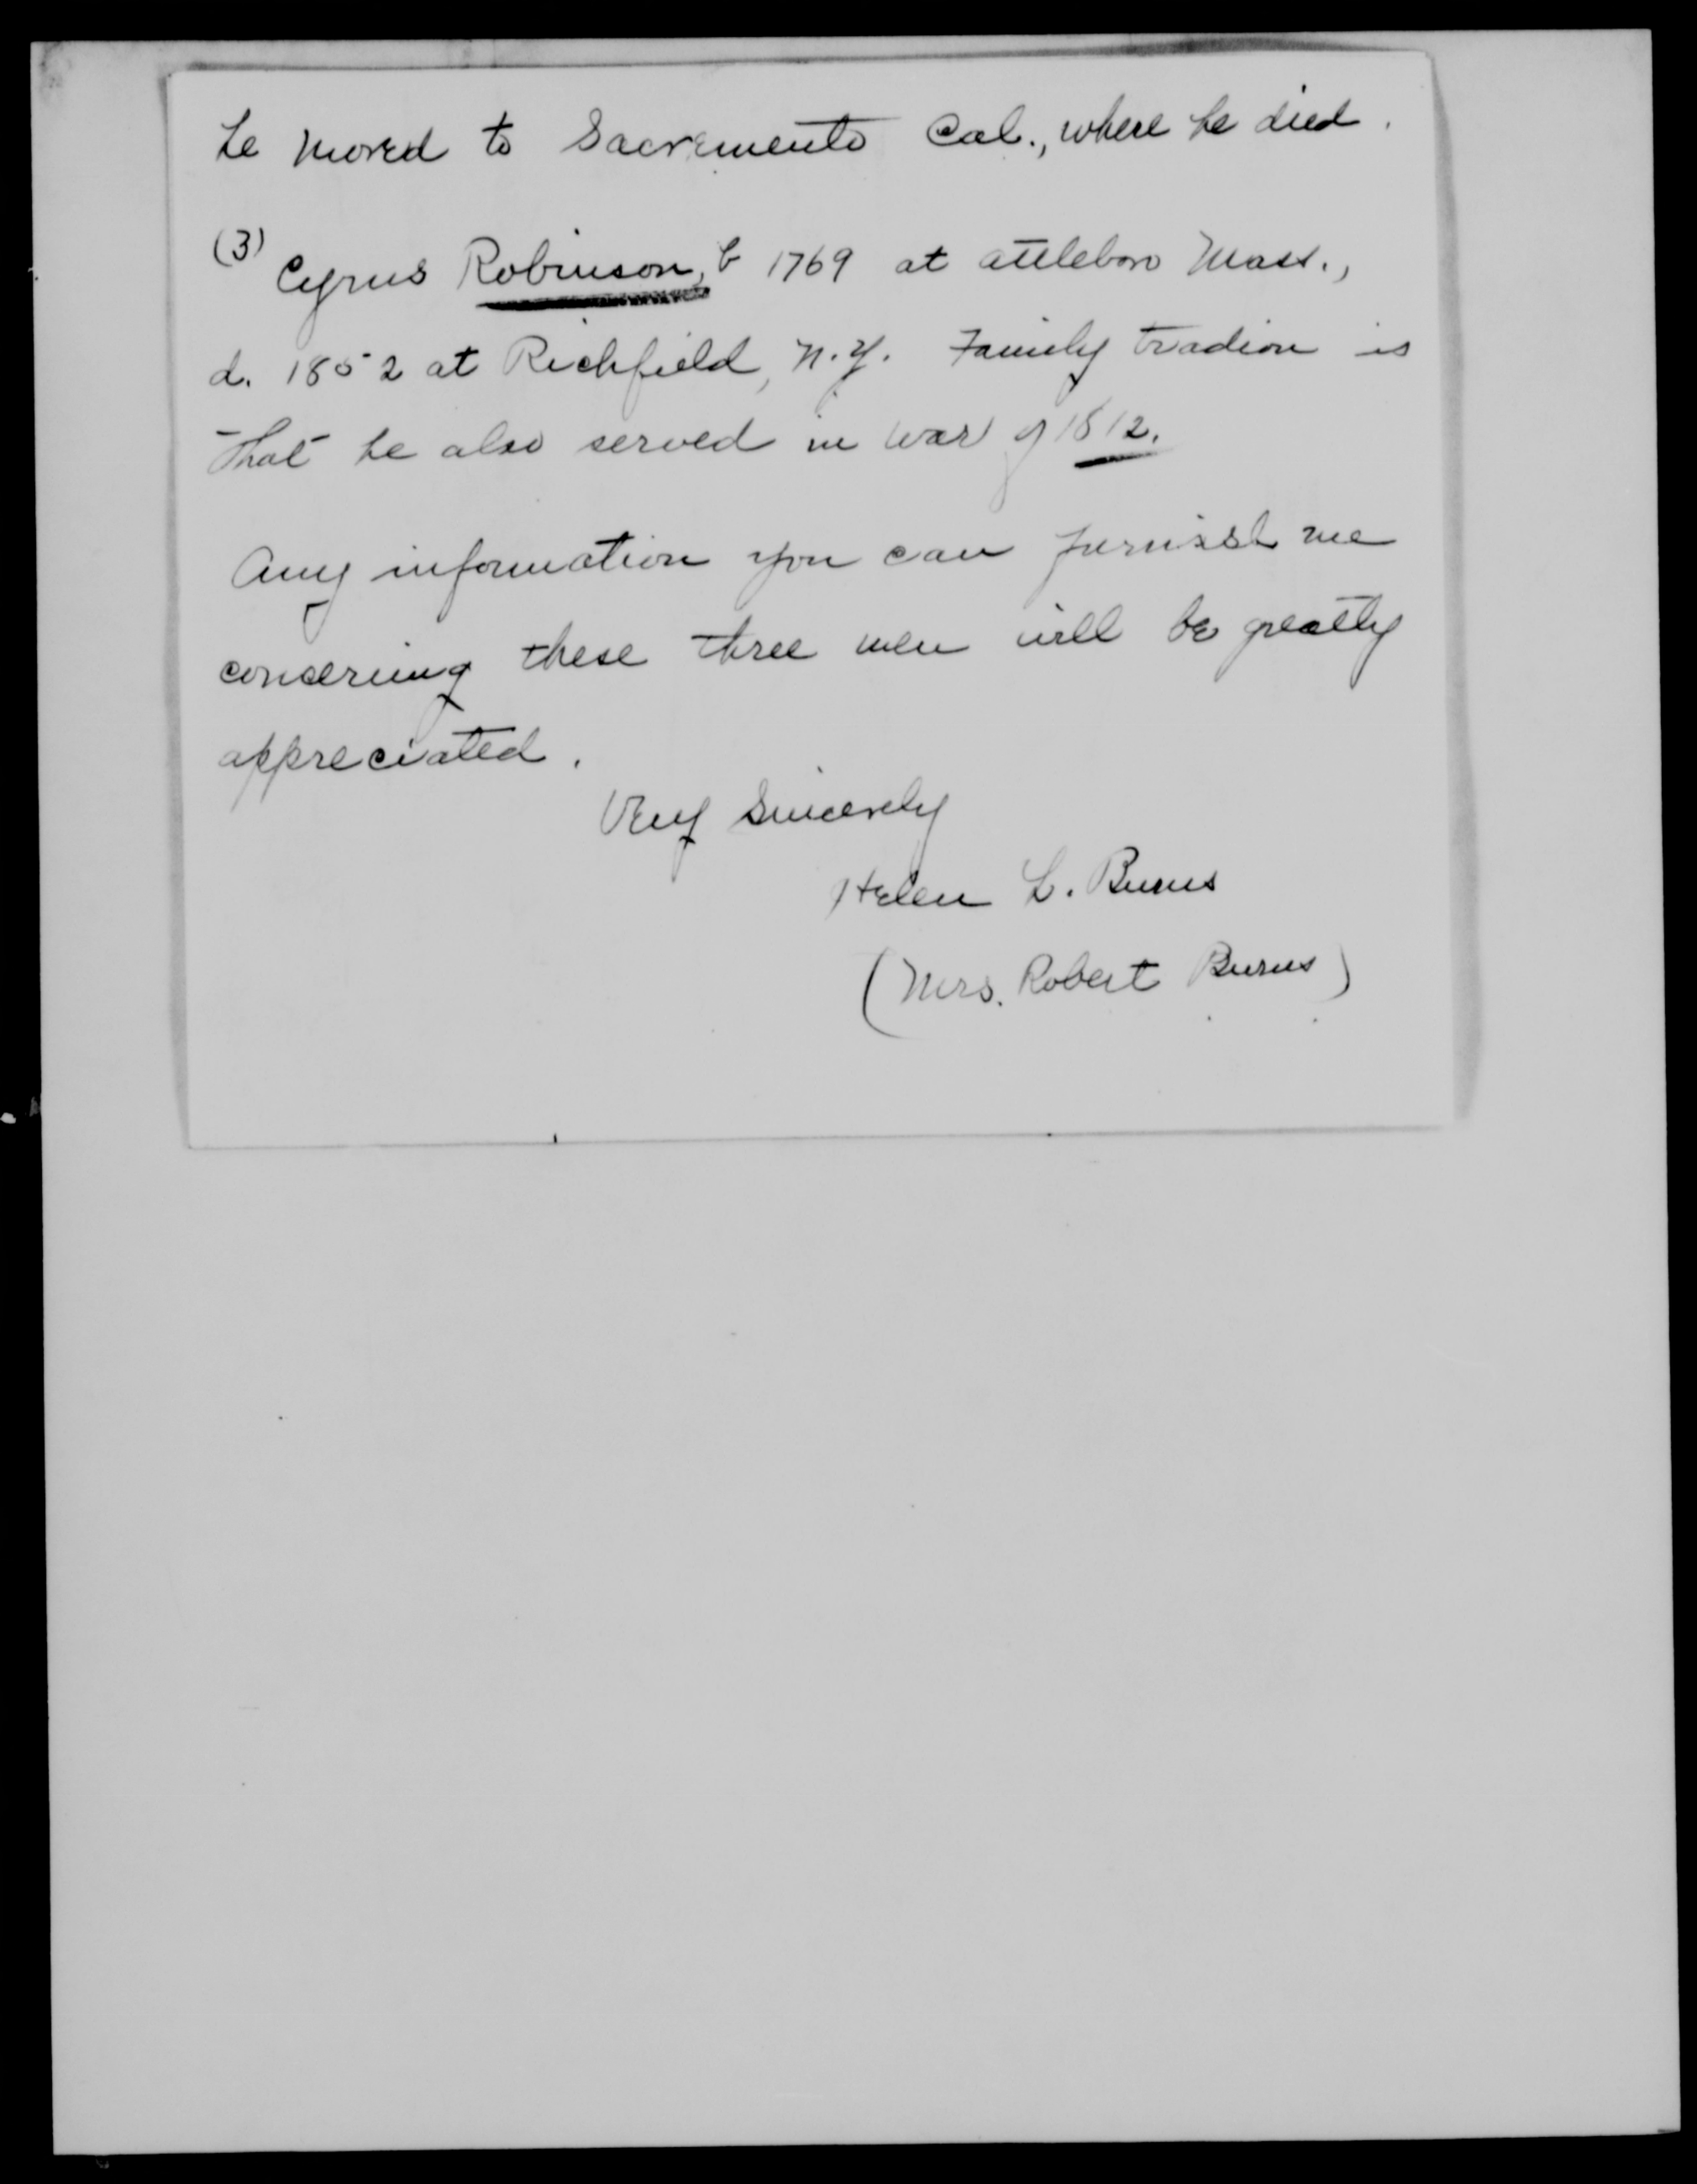he moved to Sacremento Cal. where he died.
(3) Cyrus Robinson, b 1769 at Attleboro Mass.
1852 at Richfield, N.Y. Family tradition ist that he also served in war of 1812.
Any information you can furnish me
concerning these three men will be greatly appreciated
Very Sincerely
Heller L. Burns
(Mrs. Robert Burns )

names: Cyrus Robinson, Robert Burns, Helen L Burns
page: 12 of 15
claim: survivor's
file: S. 41336, Timothy Willcox, Conn. Continental